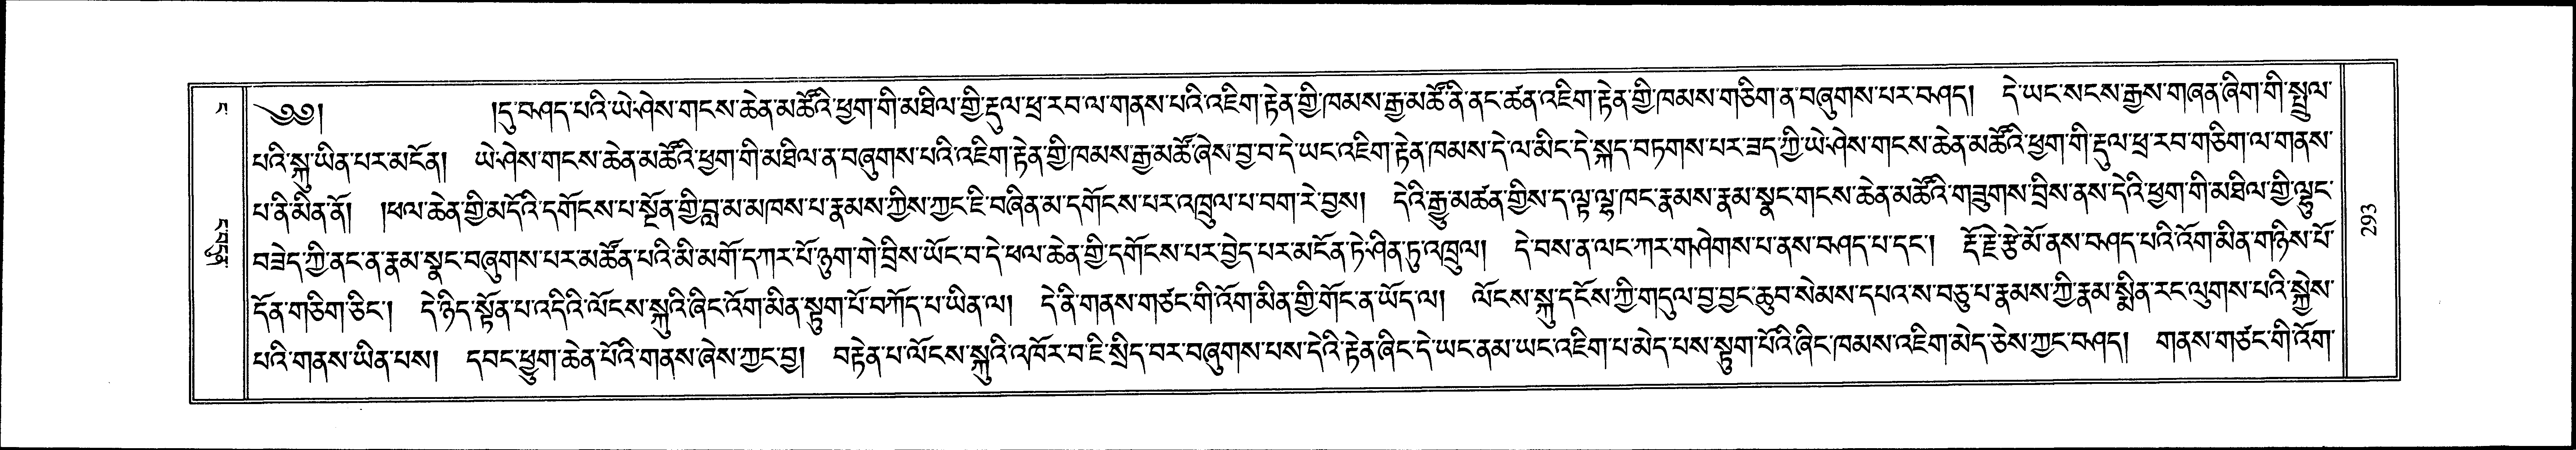༄༅། །དུ་བཤད་པའི་ཡེ་ཤེས་གངས་ཆེན་མཚོའི་ཕྱག་གི་མཐིལ་གྱི་རྡུལ་ཕྲ་རབ་ལ་གནས་པའི་འཇིག་རྟེན་གྱི་ཁམས་རྒྱ་མཚོ་ནི་ནང་ཚན་འཇིག་རྟེན་གྱི་ཁམས་གཅིག་ན་བཞུགས་པར་བཤད། དེ་ཡང་སངས་རྒྱས་གཞན་ཞིག་གི་སྤྲུལ་
པའི་སྐུ་ཡིན་པར་མངོན། ཡེ་ཤེས་གངས་ཆེན་མཚོའི་ཕྱག་གི་མཐིལ་ན་བཞུགས་པའི་འཇིག་རྟེན་གྱི་ཁམས་རྒྱ་མཚོ་ཞེས་བྱ་བ་དེ་ཡང་འཇིག་རྟེན་ཁམས་དེ་ལ་མིང་དེ་སྐད་བཏགས་པར་ཟད་ཀྱི་ཡེ་ཤེས་གངས་ཆེན་མཚོའི་ཕྱག་གི་རྡུལ་ཕྲ་རབ་གཅིག་ལ་གནས་
པ་ནི་མིན་ནོ། །ཕལ་ཆེན་གྱི་མདོའི་དགོངས་པ་སྔོན་གྱི་བླ་མ་མཁས་པ་རྣམས་ཀྱིས་ཀྱང་ཇི་བཞིན་མ་དགོངས་པར་འཁྲུལ་པ་བག་རེ་བྱས། དེའི་རྒྱུ་མཚན་གྱིས་ད་ལྟ་ལྷ་ཁང་རྣམས་སྣང་གངས་ཆེན་མཚོའི་གཟུགས་བྲིས་ནས་དེའི་ཕྱག་གི་མཐིལ་གྱི་ལྷུང་
བཟེད་ཀྱི་ནང་ན་རྣམ་སྣང་བཞུགས་པར་མཚོན་པའི་མི་མགོ་དཀར་པོ་ཉུག་གེ་བྲིས་ཡོང་བ་དེ་ཕལ་ཆེན་གྱི་དགོངས་པར་བྱེད་པར་མངོན་ཏེ་ཤིན་ཏུ་འཁྲུལ། དེ་བས་ན་ལང་ཀར་གཤེགས་པ་ནས་བཤད་པ་དང་། རྡོ་རྗེ་རྩེ་མོ་ནས་བཤད་པའི་འོག་མིན་གཉིས་པོ་
དོན་གཅིག་ཅིང་། དེ་ཉིད་སྟོན་པ་འདིའི་ལོངས་སྐུའི་ཞིང་འོག་མིན་སྟུག་པོ་བཀོད་པ་ཡིན་ལ། དེ་ནི་གནས་གཙང་གི་འོག་མིན་གྱི་གོང་ན་ཡོད་ལ། ལོངས་སྐུ་དངོས་ཀྱི་གདུལ་བྱ་བྱང་ཆུབ་སེམས་དཔའ་ས་བཅུ་པ་རྣམས་ཀྱིས་རྣམ་སྨིན་རང་ལུགས་པའི་སྐྱེས་
པའི་གནས་ཡིན་པས། དབང་ཕྱུག་ཆེན་པོའི་གནས་ཞེས་ཀྱང་བྱ། བརྟེན་པ་ལོངས་སྐུའི་འཁོར་བ་ཇི་སྲིད་བར་བཞུགས་པས་དེའི་རྟེན་ཞིང་དེ་ཡང་ནམ་ཡང་འཇིག་པ་མེད་པས་སྟུག་པོའི་ཞིང་ཁམས་འཇིག་མེད་ཅེས་ཀྱང་བཤད། གནས་གཙང་གི་འོག་